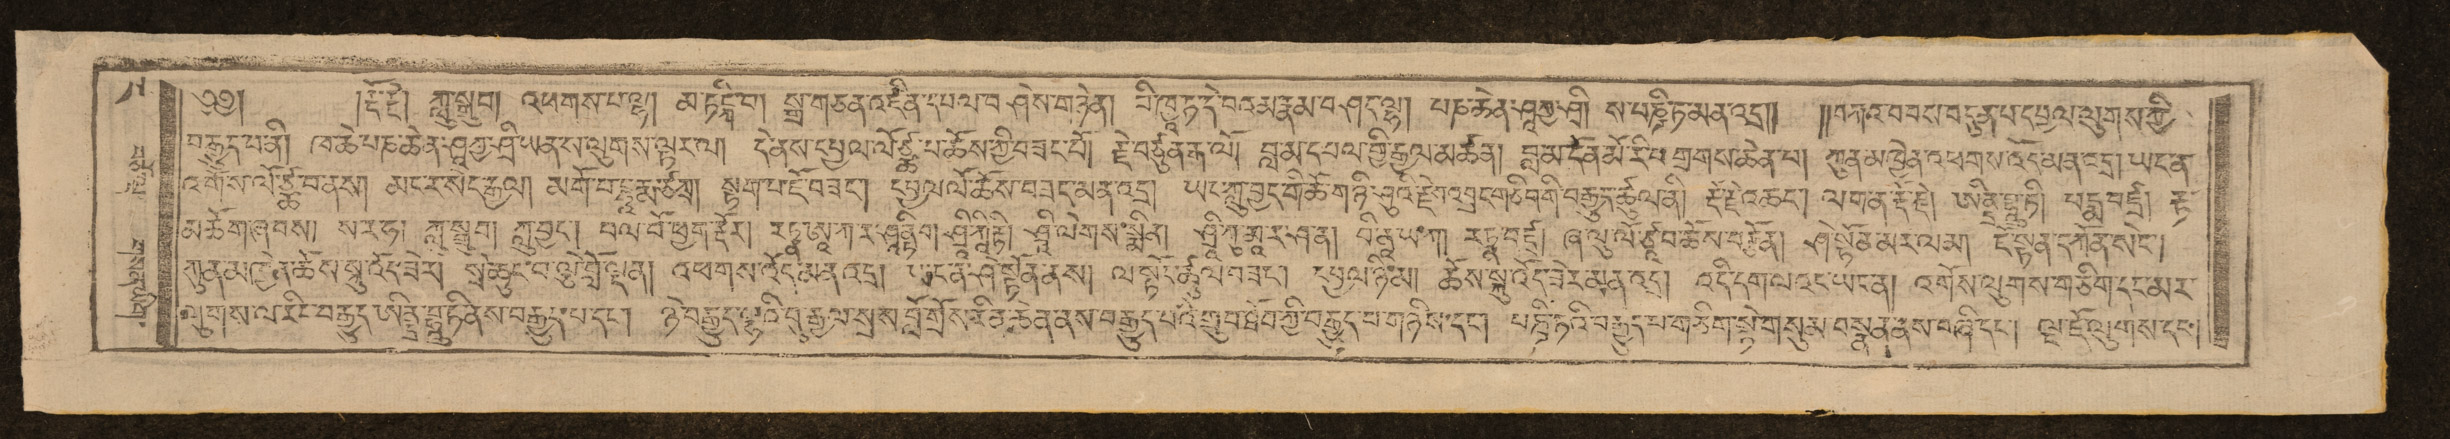༄༅། །རྡོ་རྗེ། ཀླུ་སྒྲུབ། འཕགས་པ་ལྷ། མ་ཏིངྒི་པ། སྒྲ་གཅན་འཛིན་དཔལ་བཤེས་གཉེན། བི་ཁྱཱ་ཏ་དེ་བའམ་རྣམ་བཤད་ལྷ། པཎ་ཆེན་ཤཱཀྱ་ཤྲི། ས་པཎྜི་ཏ་མན་འདྲ། །།བཀའ་།བབས་བདུན་པ་དབྱལ་ལུགས་ཀྱི་
བརྒྱུད་པ་ནི། ཁ་ཆེ་པཎ་ཆེན་ཤཱཀྱ་ཤྲི་ཡན་ས་ལུགས་ལྟར་ལ། དེ་ནས་དཔྱལ་ལོ་ཙྪ་པ་ཆོས་ཀྱི་བཟང་པོ། རྗེ་བཙུན་རྒ་ལོ། བླ་མ་དཔལ་གྱི་རྒྱལ་མཚན། བླ་མ་དོན་མོ་རི་བ་གྲགས་ཆེན་པ། ཀུན་མཁྱེན་འཕགས་འོད་མན་འདུ། ཡང་ན་
འགོས་ལོཙྪ་བ་ནས། མང་ར་སེང་རྒྱལ། མ་གོ་པ་དྷཱརྨ་ཙཀྲ། སྟག་པ་ཇོ་བཟང་། དཔྱལ་ལོ་ཆོས་བཟང་མན་འདྲ། ཡང་ཀླུ་བྱང་གི་ཆོག་གཉིས་ཤུའི་རྗེས་འབྲང་གཅིག་གི་བརྒྱུད་ཚུལ་ནི། རྡོ་རྗེ་འཆང་། ལག་ན་རྡོ་རྗེ། ཨཻནྡྲ་བྷཱུ་ཏི། པདམ་བཛྲ། རྟ་
མཆོག་ཞབས། ས་ར་ཧ། ཀླུ་སྒྲུབ། ཀླུ་བྱང་། བལ་པོ་ཕྱག་རྡོར། རཏྣ་ཨཱ་ཀ་ར་ཤིནྟ་བ། ཤྲཱི་ཀཱིརྟི། ཤྲཱི་ལེགས་སྨིན། ཤྲཱི་བུ་མཱ་ར་ཤ་ན། བི་ནཱ་ཡ་ཀ། རཏྣ་བཛྲ། ཞ་ལུ་ལོ་ཙཱ་བ་ཆོས་བརྩོན། ཤེ་སྟོན་མར་ལམ། ཇོ་སྟན་དཀོན་སེང་།
ཀུན་མཁྱེན་ཆོས་སྐུ་འོད་ཟེར། སྲེ་ཆུང་བ་ལྕེ་བློ་ལྡན། འཕགས་འོད་མན་འདྲ། ཡང་ན་ཤེ་སྟོན་ནས། ལ་སྟོང་ཚུལ་བཟང་། དཔྱལ་ཉི་མ། ཆོས་སྐུ་འོད་ཟེར་མན་འདྲ། འདི་དག་ལའང་ཡང་ན། འགོས་ལུགས་གཅིག་དང་མར་
ལུགས་ལ་རིང་བརྒྱུད་ཨིནྡྲ་བྷཱུ་ཏི་ནས་བརྒྱུད་པ་དང་། ཉེ་བརྒྱུད་ལྷའི་བུ་རྒྱལ་སྲས་བློ་གྲོས་རིན་ཆེན་ནས་བརྒྱུད་པའི་གྲུབ་ཐོབ་ཀྱི་བརྒྱུད་པ་གཉིས་དང་། པཎྜི་ཏའི་བརྒྱུད་པ་གཅིག་སྟེ་གསུམ་བ་སྣང་ནས་བཞི་དང་། ལྔ་ཇོ་ལུགས་དང་།